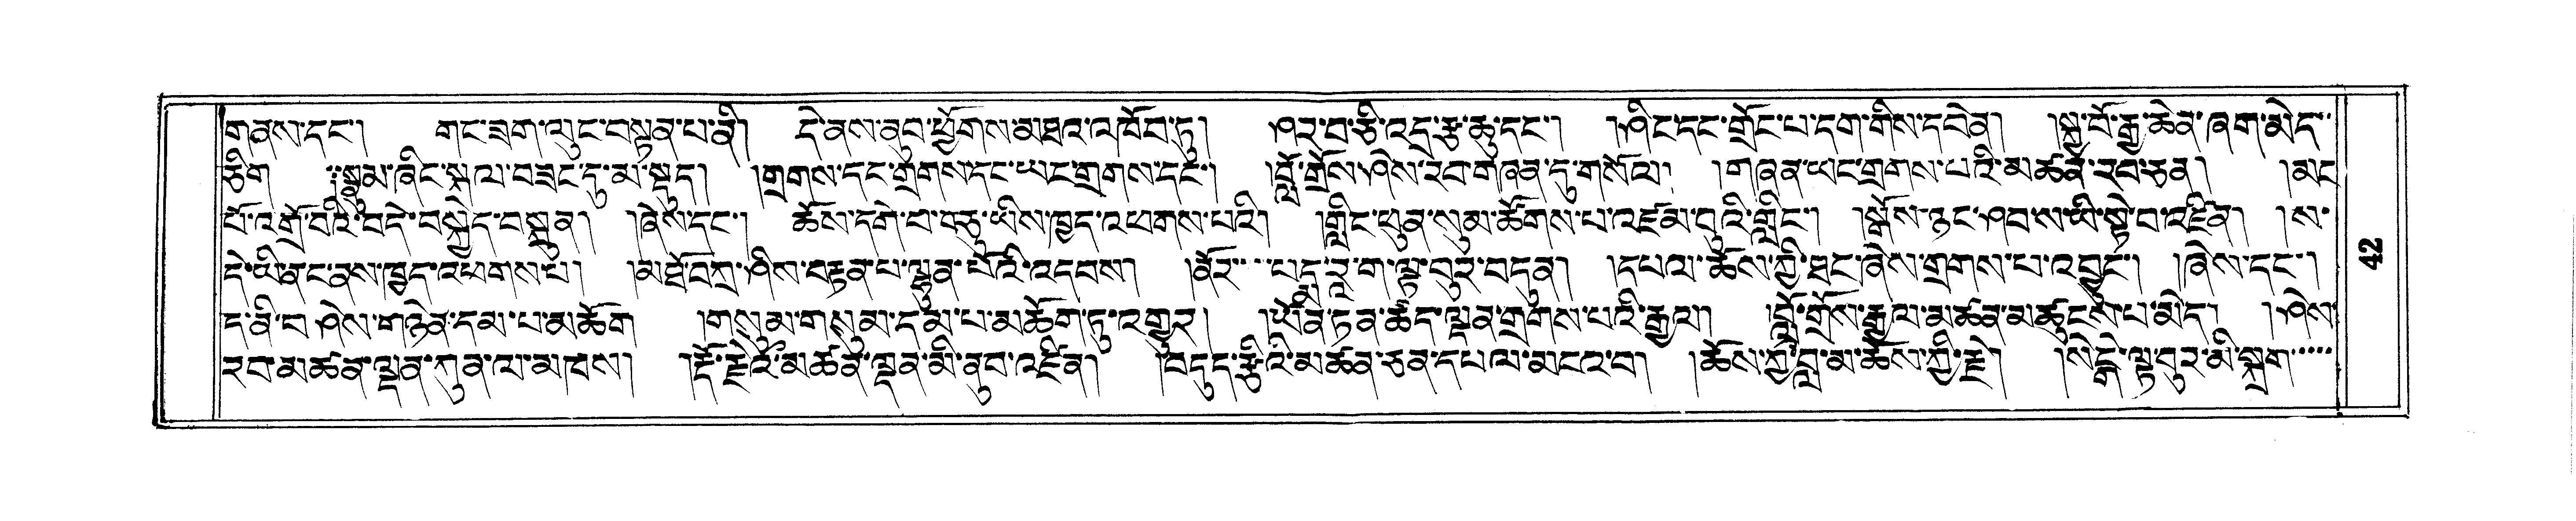གནས་དང་། གང་ཟག་ལུང་བསྟན་པ་ནི། དེ་ནས་ནུབ་ཕྱོགས་མཐའ་འཁོབ་ཏུ། ཤར་བ་ཅི་འདྲ་རྩ་ཆུ་དང་། །ཤིང་དང་གྲོང་པ་དག་གིས་དབེན། །སྐྱ་བོ་རྒྱ་ཆེན་ཞག་མེད་
ཅིག ༑སྣུམ་ཞིང་སྐལ་བཟང་དུ་མ་སྡུད། །གྲགས་དང་གྲགས་དང་ཡང་གྲགས་དང་། །བློ་གྲོས་ཤེས་རབ་གཞན་དུ་གསོལ། །གཞན་ཡང་གྲགས་པའི་མཚན་རབ་ཅན། །མང་
པོ་འགྲོ་བའི་བདེ་བསྐྱེད་བསྐྲུན། །ཞེས་དང་། ཆོས་དགེ་བ་བཅུ་ཡིས་ཁྱད་འཕགས་པའི། །གླིང་ཕུན་སུམ་ཚོགས་པ་འཛམ་བུའི་གླིང་། །སྒོས་ཉང་ཤབ་ས་ཡི་སྟེ་བ་འཛིན། །ས་
དེ་ཡི་ནང་ནས་ཁྱད་འཕགས་པ། །མཐོ་བཀྲ་ཤིས་བརྟན་པ་ལྷུན་པོའི་འདབས། །ནོར་པདམ་རཱ་ག་ལྟ་བུར་བདུན། །དཔལ་ཆོས་ཀྱི་ཐང་ཞེས་གྲགས་པ་འབྱུང་། །ཞེས་དང་།
ད་ནི་བཤེས་གཉེན་དམ་པ་མཆོག །གསུམ་གསུམ་དམ་པ་མཆོག་ཏུ་འགྱུར། །ཡོན་ཏན་ཚད་ལྡན་གྲགས་པའི་རྒྱལ། །བློ་གྲོས་རྒྱལ་མཚན་མཚུངས་པ་མེད། །ཤེས་
རབ་མཚན་ལྡན་ཀུན་ལ་མཁས། །རྡོ་རྗེཨཱྀ་མཚན་ལྡན་མི་ནུབ་འཛིན། །བདུད་རྩིའི་མཚན་ཅན་དཔལ་མངའ་བ། །ཆོས་ཀྱི་བླ་མ་ཆོས་ཀྱི་རྗེ། །སེངྒེ་ལྟ་བུར་མི་སྐྲག་